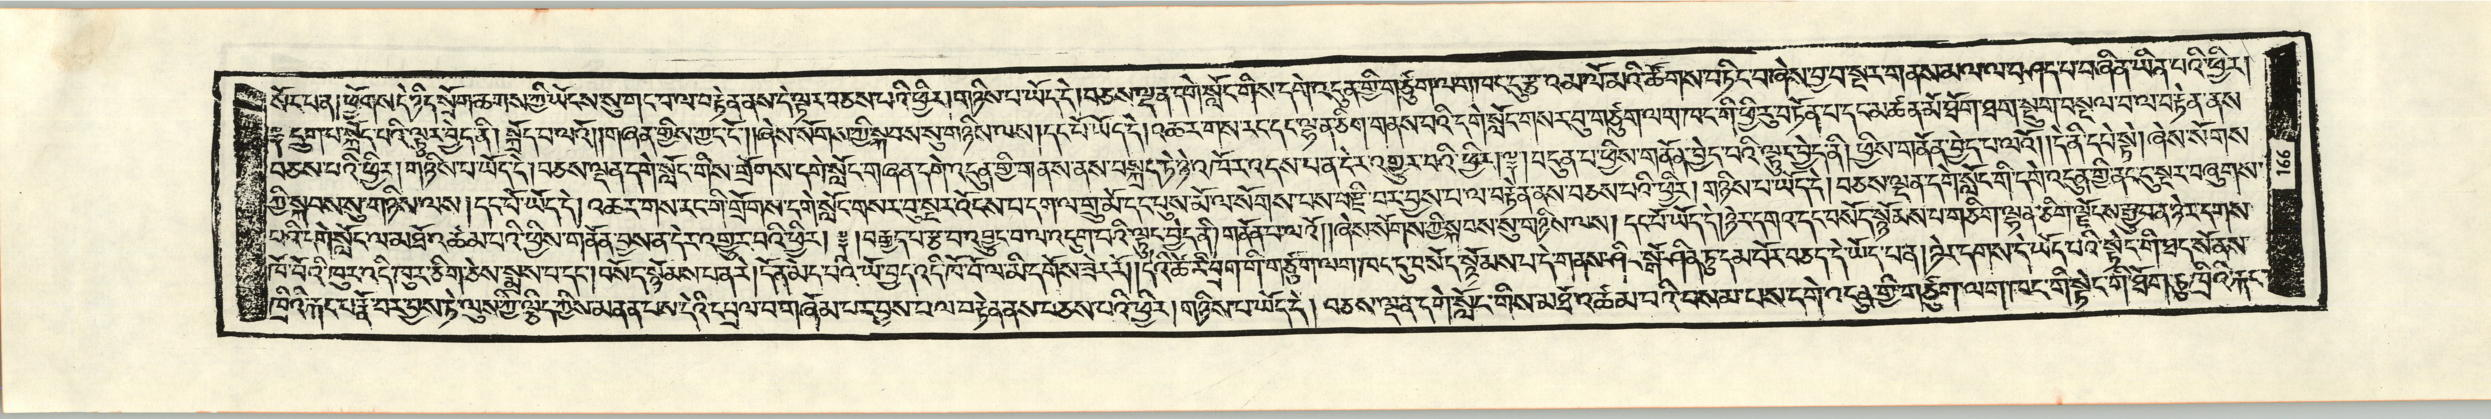སོང་པ་ན། ཕྱོགས་དེ་ཉིད་སྲོག་ཆགས་ཀྱི་ཡོངས་སུ་གང་བ་ལ་བརྟེན་ནས་དེ་ལྟར་བཅས་པའི་ཕྱིར། གཉིས་པ་ཡོད་དེ། བཅས་ལྡན་དགེ་སློང་གིས་དགེ་འདུན་གྱི་གཙུག་ལག་ཁང་དུ་རྩ་འམ་ལོ་མའི་ཚོགས་བཏིང་བ་ཞེས་བྱ་བ་སྔར་གནས་མལ་ལ་བཤད་པ་བཞིན་ཡིན་པའི་ཕྱིར།
༈ དྲུག་པ་སྐྲོད་པའི་ལྟུར་བྱེད་ནི། སྐྲོད་པ་ལའོ། །གཞན་གྱིས་ཀྱང་ངོ། །ཞེས་སོགས་ཀྱི་སྐབས་སུ་གཉིས་ལས། དང་པོ་ཡོད་དེ། འཆར་གས་རང་དང་ལྷན་ཅིག་གནས་པའི་དགེ་སློང་གསར་བུ་གཙུག་ལག་ཁང་གི་ཕྱི་རུ་བཏོན་པ་དང་མཚན་མོ་ཐོག་ཐག་སྡུག་བསྔལ་བ་ལ་བརྟེན་ནས་
བཅས་པའི་ཕྱིར། གཉིས་པ་ཡོད་དེ། བཅས་ལྡན་དགེ་སློང་གིས་གྲོགས་དགེ་སློང་གཞན་དགེ་འདུན་གྱི་གནས་ནས་བསྐྲད་ཏེ་ཉེ་འཁོར་འདས་པ་ན་ངེར་འགྱུར་བའི་ཕྱིར། ༈ །བདུན་པ་ཕྱིས་གནོན་བྱེད་པའི་ལྟུང་བྱེད་ནི། ཕྱིས་གནོན་བྱེད་པ་ལའོ། །དེ་ནི་དཔེ་སྟེ། ཞེས་སོགས་
ཀྱི་སྐབས་སུ་གཉིས་ལས། དང་པོ་ཡོད་དེ། འཆར་གས་རང་གི་གྲོགས་དགེ་སློང་གསར་བུ་སྔར་འོངས་པ་དག་ལ་གྲུ་མོ་དང་པུས་མོ་ལ་སོགས་པས་བརྫི་བར་བྱས་པ་ལ་བརྟེན་ནས་བཅས་པའི་ཕྱིར། གཉིས་པ་ཡོད་དེ། བཅས་ལྡན་དགེ་སློང་གི་དགེ་འདུན་གྱི་ནང་དུ་སྔར་བཞུགས་
པའི་དགེ་སློང་ལ་མཐོ་འཚམ་པའི་ཕྱིས་གནོན་བྱས་ན་དེར་འགྱུར་བའི་ཕྱིར། ༈ །བརྒྱད་པ་རྩ་བ་འབྱུང་བ་ལ་འདུག་པའི་ལྟུང་བྱེད་ནི། གནོན་པ་ལའོ། །ཞེས་སོགས་ཀྱི་སྐབས་སུ་གཉིས་ལས། དང་པོ་ཡོད་དེ། ཉེར་དགའ་དང་བསོད་སྙོམས་པ་གཅིག་ལྷན་ཅིག་ལྗོངས་རྒྱུ་བ་ན་ཉེར་དགས་
ཁོ་བོའི་ཁུར་འདི་ཁུར་ཅིག་ཅེས་སྨྲས་པ་དང་། བསོད་སྙོམས་པ་ན་རེ། དོན་མེད་པའི་ཡོ་བྱད་འདི་ཁོ་བོ་ལ་མི་དགོས་ཟེར་རོ། །དེའི་ཚེ་རི་བྲག་གི་གཙུག་ལག་ཁང་དུ་བསོད་སྙོམས་པ་དེ་གནས་ཤིང་སྒོ་ཤིན་ཏུ་དམ་པོར་བཅད་དེ་ཡོད་པ་ན། ཉེར་དགས་དེ་ཡོད་པའི་སྟེང་གི་ཐད་སོ་ནས་
ཁྲིའི་རྐང་པ་རྣོ་བར་བྱས་ཏེ་ལུས་ཀྱི་ལྕིད་ཀྱིས་མནན་པས་དེའི་དཔྲལ་བ་གཞོམ་པར་བྱས་པ་ལ་བརྟེན་ནས་བཅས་པའི་ཕྱིར། གཉིས་པ་ཡོད་དེ། བཅས་ལྡན་དགེ་སློང་གིས་མཐོ་འཚམ་པའི་བསམ་པས་དགེ་འདུན་གྱི་གཙུག་ལག་ཁང་གི་སྟེང་གི་ཐོག་ཏུ་ཁྲིའི་རྐང་